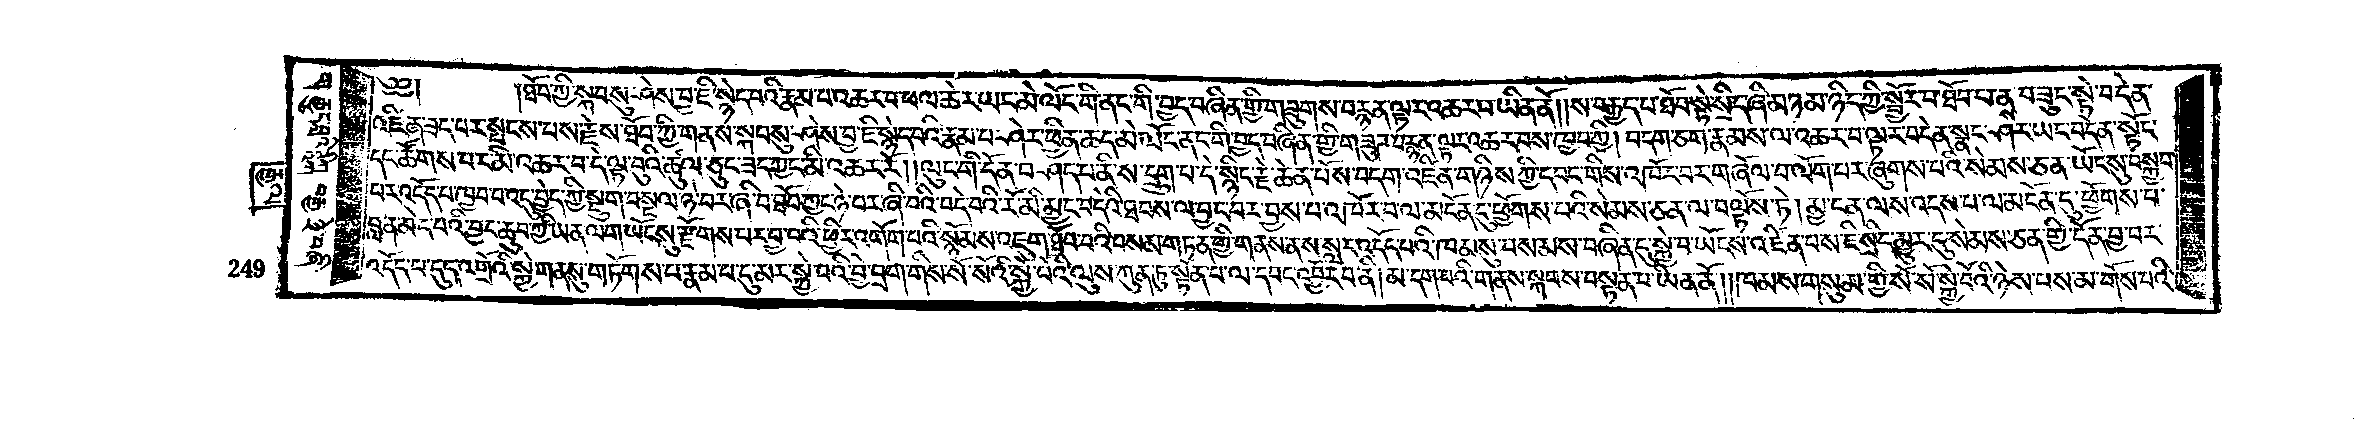༄༅། །ཐོབ་ཀྱི་སྐབས་སུ་ཤེས་བྱ་ཇི་སྙེད་པའི་རྣམ་པ་འཆར་བ་ཕལ་ཆེར་ཡང་མེ་ལོང་གི་ནང་གི་བྱད་བཞིན་གྱི་གཟུགས་བརྙན་ལྟར་འཆར་བ་ཡིན་ནོ། །ས་བརྒྱད་པ་ཐོབ་སྟེ་སྲིད་ཞི་མཉམ་ཉིད་ཀྱི་སྦྱོར་བ་ཐོབ་པ་ནས་བཟུང་སྟེ་བདེན་
འཛིན་ཟད་པར་སྤངས་པས་རྗེས་ཐོབ་ཀྱི་གནས་སྐབས་སུ་ཤེས་བྱ་ཇི་སྙེད་པའི་རྣམ་པ་ཤེར་ཕྱིན་ཆད་མེ་ལོང་ནང་གི་བྱད་བཞིན་གྱི་གཟུགས་བརྙན་ལྟར་འཆར་པས་ཁྱབ་ཀྱི། བདག་ཅག་རྣམས་ལ་འཆར་བ་ལྟར་བདེན་སྣང་ཤར་ཡང་བདེན་སྟོང་
དང་ཚོགས་པར་མི་འཆར་བ་དེ་ལྟ་བུའི་ཚུལ་ཅུང་ཟད་ཀྱང་མི་འཆར་རོ། །ལུང་གི་དོན་བཤད་པ་ནི་ས་དྲུག་པ་དེ་སྙིང་རྗེ་ཆེན་པོས་བདག་འཛིན་གཉིས་ཀྱི་དབང་གིས་འཁོར་བར་གཞོལ་བ་ལོག་པར་ཞུགས་པའི་སེམས་ཅན་ཡོངས་སུ་བསྐྱབ་
པར་འདོད་པ་ཁྱབ་པ་འདུ་བྱེད་ཀྱི་སྡུག་བསྔལ་ཉེ་བར་ཞི་བ་ཐོབ་ཀྱང་ཉེ་བར་ཞི་བའི་བདེ་བའི་རོ་མི་མྱང་བ་དེའི་ཐབས་ལ་བྱད་པར་བྱས་པ་འཁོར་བ་ལ་མངོན་དུ་ཕྱོགས་པའི་སེམས་ཅན་ལ་བལྟོས་ཏེ། མྱ་ངན་ལས་འདས་པ་ལ་མངོན་དུ་ཕྱོགས་པ་
བླ་ན་མེད་པའི་བྱང་ཆུབ་ཀྱི་ཡན་ལག་ཡོངས་སུ་རྫོགས་པར་བྱ་བའི་ཕྱིར་འགོག་པའི་སྙོམས་འཇུག་ཐོབ་པའི་བསམ་གཏན་གྱི་གནས་ནས་སླར་འདོད་པའི་ཁམས་སུ་བསམས་བཞིན་དུ་སྐྱེ་བ་ཡོངས་འཛིན་པས་ཇི་སྲིད་མྱུར་དུ་སེམས་ཅན་གྱི་དོན་བྱ་བར་
འདོད་པ་དུད་འགྲོའི་སྐྱེ་གནས་སུ་གཏོགས་པ་རྣམ་པ་དུ་མར་སྐྱེ་བའི་བྱེ་བྲག་གིས་སོ་སོའི་སྐྱེ་བོའི་ལུས་ཀུན་ཏུ་སྟོན་པ་ལ་དབང་འབྱོར་བ་ནི། མ་དག་པའི་གནས་སྐབས་བསྟན་པ་ཡིན་ནོ། །ཁམས་གསུམ་གྱི་སོ་སོ་སྐྱེ་བོའི་ཉེས་པས་མ་གོས་པའི་